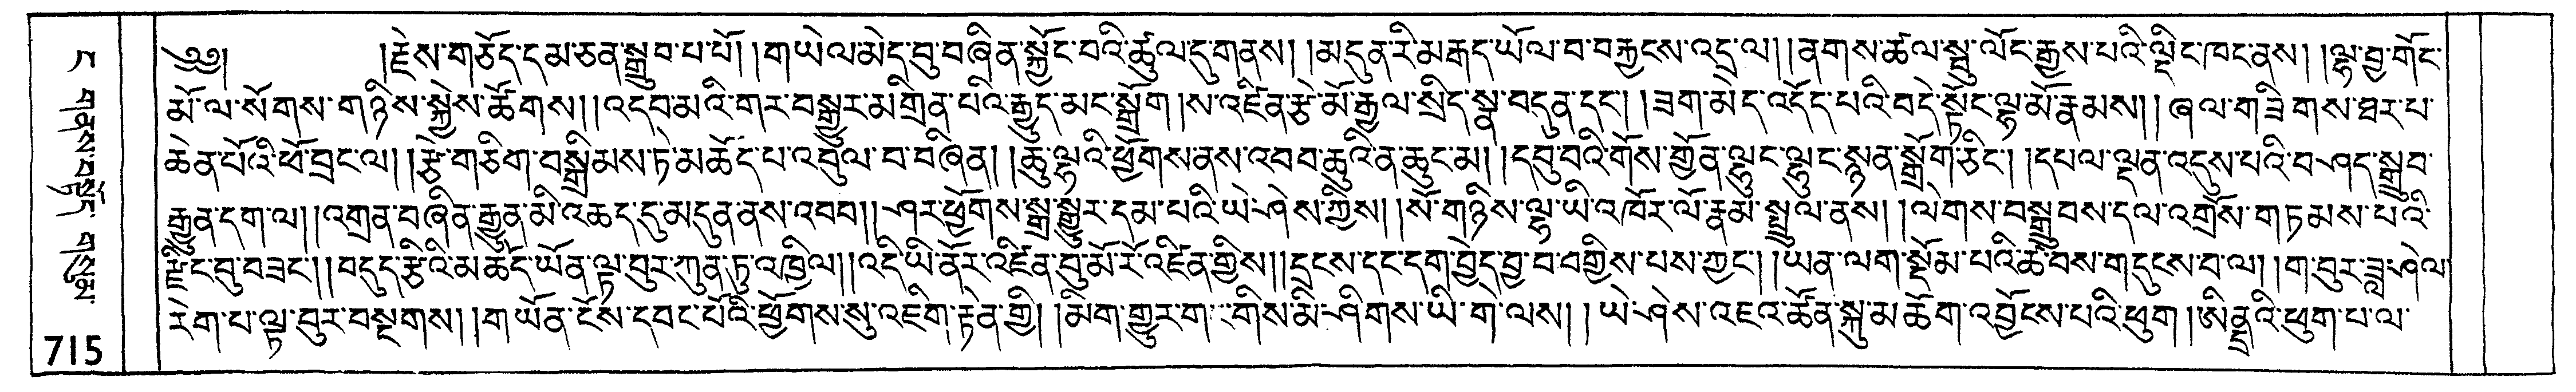༄༅། །རྗེས་གཅོད་དམ་ཅན་སྒྲུབ་པ་པོ། །གཡེལ་མེད་བུ་བཞིན་སྐྱོང་བའི་ཚུལ་དུ་གནས། །མདུན་རི་མརྒད་ཡོལ་བ་བརྐྱངས་འདྲ་ལ། །ནགས་ཚལ་སྦུ་ལོང་རྒྱས་པའི་ལྡིང་ཁང་ནས། །ལྷ་བྱ་གོང་
མོ་ལ་སོགས་གཉིས་སྐྱེས་ཚོགས། །འདབ་མའི་གར་བསྒྱུར་མགྲིན་པའི་རྒྱུད་མང་སྒྲོག །ས་འཛིན་རྩེ་མོ་རྒྱལ་སྲིད་སྣ་བདུན་དང་། །ཟག་མེད་འདོད་པའི་བདེ་སྟོང་ལྷ་མོ་རྣམས། །ཞལ་གཟིགས་ཐར་པ་
ཆེན་པོའི་ཕོ་བྲང་ལ། །རྩེ་གཅིག་བསྒྲིམས་ཏེ་མཆོད་པ་འབུལ་བ་བཞིན། །ཆུ་ལྷའི་ཕྱོགས་ནས་འབབ་ཆུའི་ན་ཆུང་མ། །དབུ་བའི་གོས་གྱོན་ལྷུང་ལྷུང་སྙན་སྒྲོག་ཅིང་། །དཔལ་ལྡན་འདུས་པའི་བཤད་སྒྲུབ་
རྒྱུན་དག་ལ། །འགྲན་བཞིན་རྒྱུན་མི་འཆད་དུ་མདུན་ནས་འབབ། །ཤར་ཕྱོགས་སྒྲ་སྒྱུར་དམ་པའི་ཡེ་ཤེས་ཀྱིས། །སོ་གཉིས་ལྷ་ཡི་འཁོར་ལོ་རྣམ་སྤྲུལ་ནས། །ལེགས་བསྒྲུབས་དལ་འགྲོས་གཏམས་པའི་
རྫིང་བུ་བཟང་། །བདུད་རྩིའི་མཆོད་ཡོན་ལྟ་བུར་ཀུན་ཏུ་འཁྱིལ། །འདི་ཡི་ནོར་འཛིན་བུ་མོ་རོ་འཛིན་གྱིས། །དྲངས་དང་དག་བྱེད་བྱ་བ་བགྱིས་པས་ཀྱང་། །ཡན་ལག་སྡོམ་པའི་ཚ་བས་གདུངས་བ་ལ། །ག་བུར་ཟླ་ཤེལ་
རེག་པ་ལྟ་བུར་བསྔགས། །གཡོན་ངོས་དབང་པོའི་ཕྱོགས་སུ་འཇིག་རྟེན་གྱི། །མིག་གྱུར་གང་གིས་མི་ཤིགས་ཡི་གེ་ལས། །ཡེ་ཤེས་འཇའ་ཚོན་སྐུ་མཆོག་འབྱོངས་པའི་ཕུག །ཨིནྡྲའི་ཕུག་པ་ལ་